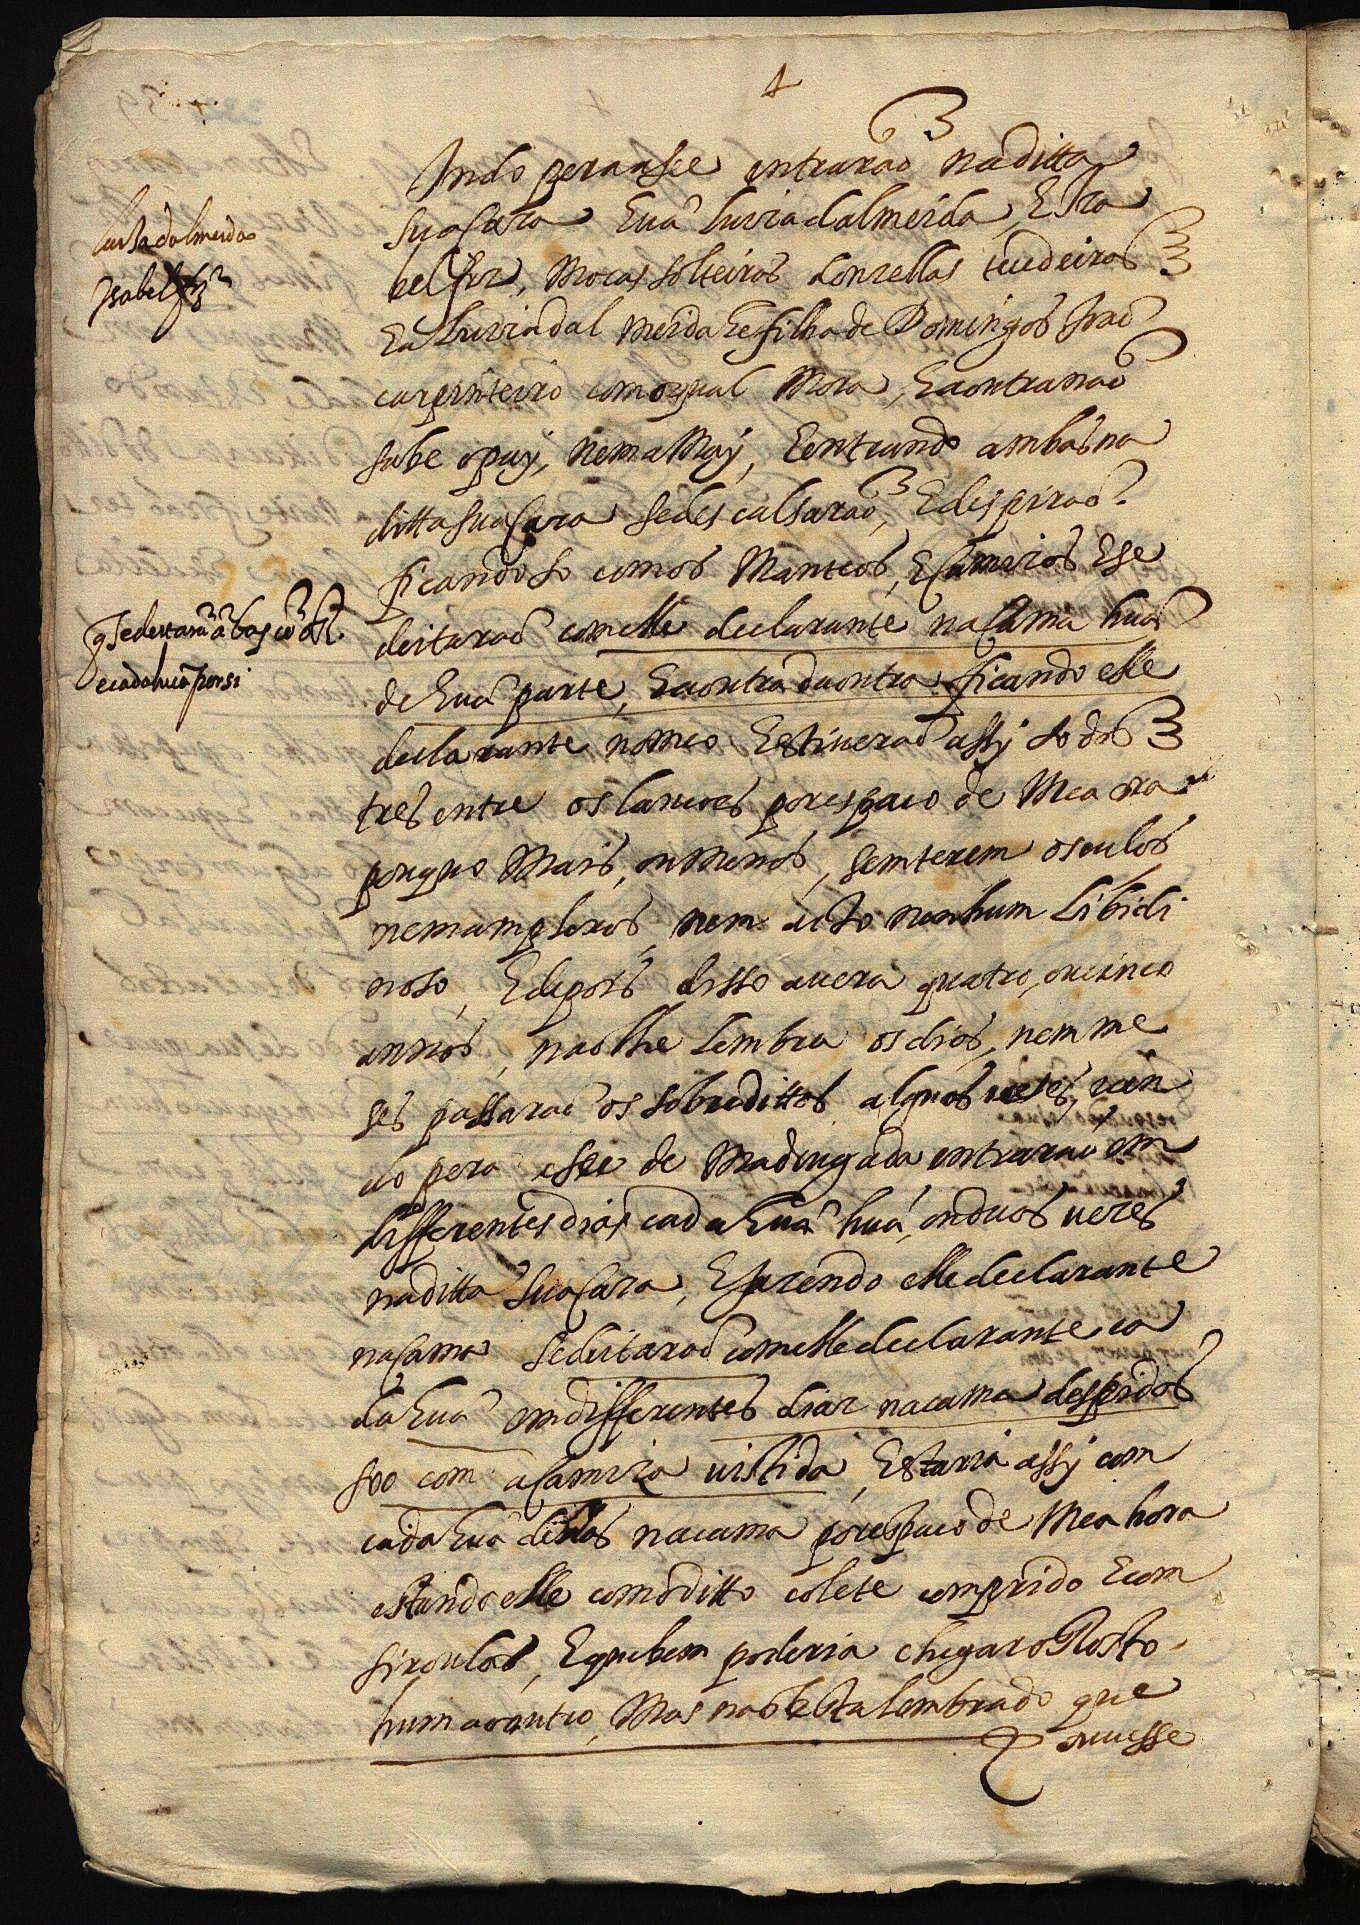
Indo pera a see, entraraõ na ditta
sua Caza huā Luiza dalmeida, e Iza
bel frz, mocas solteiras donzellas tecedeiras
e a Luiza dalmeida he filha de Domingos Joaõ
carpinteiro com o qual mora, e a outra naõ
sabe o pay, nem a May, e entrando ambas
na ditta sua Caza se descalsaraõ, e despiraõ
ficando so com os Manteos, e Camizas e se
deitaraõ com elle declarante na Cama huā
de huā parte, e a outra da outra ficando elle
declarante no meo e estiveraõ assy todos
tres entre os lançoes por espaço de mea ora
pouquo mais, ou menos, sem terem osculos
nem amplexos nem acto nenhum libidi
noso, e depois disso auera quatro ou cinco
annos, naõ lhe lembra os dias, nem me
ses, passarão os sobredittos alguās uezes e in
do pera a see de madrugada entraraõ em
differentes dias cada huā, huā ou duas vezes
na ditta sua Caza, e jazendo elle declarante
na Cama se deitaraõ com elle declarante ca
da huā em differentes diaz na cama despidos
soo com a Camiza uistida, Estaria assy com
cada huā dellas na cama por espaço de mea hora
estando elle com o ditto colete comprido e com
siroulas, e que bem poderia chegar o Rosto
hum ao outro, mas naõ está lembrado que
ouuesse
